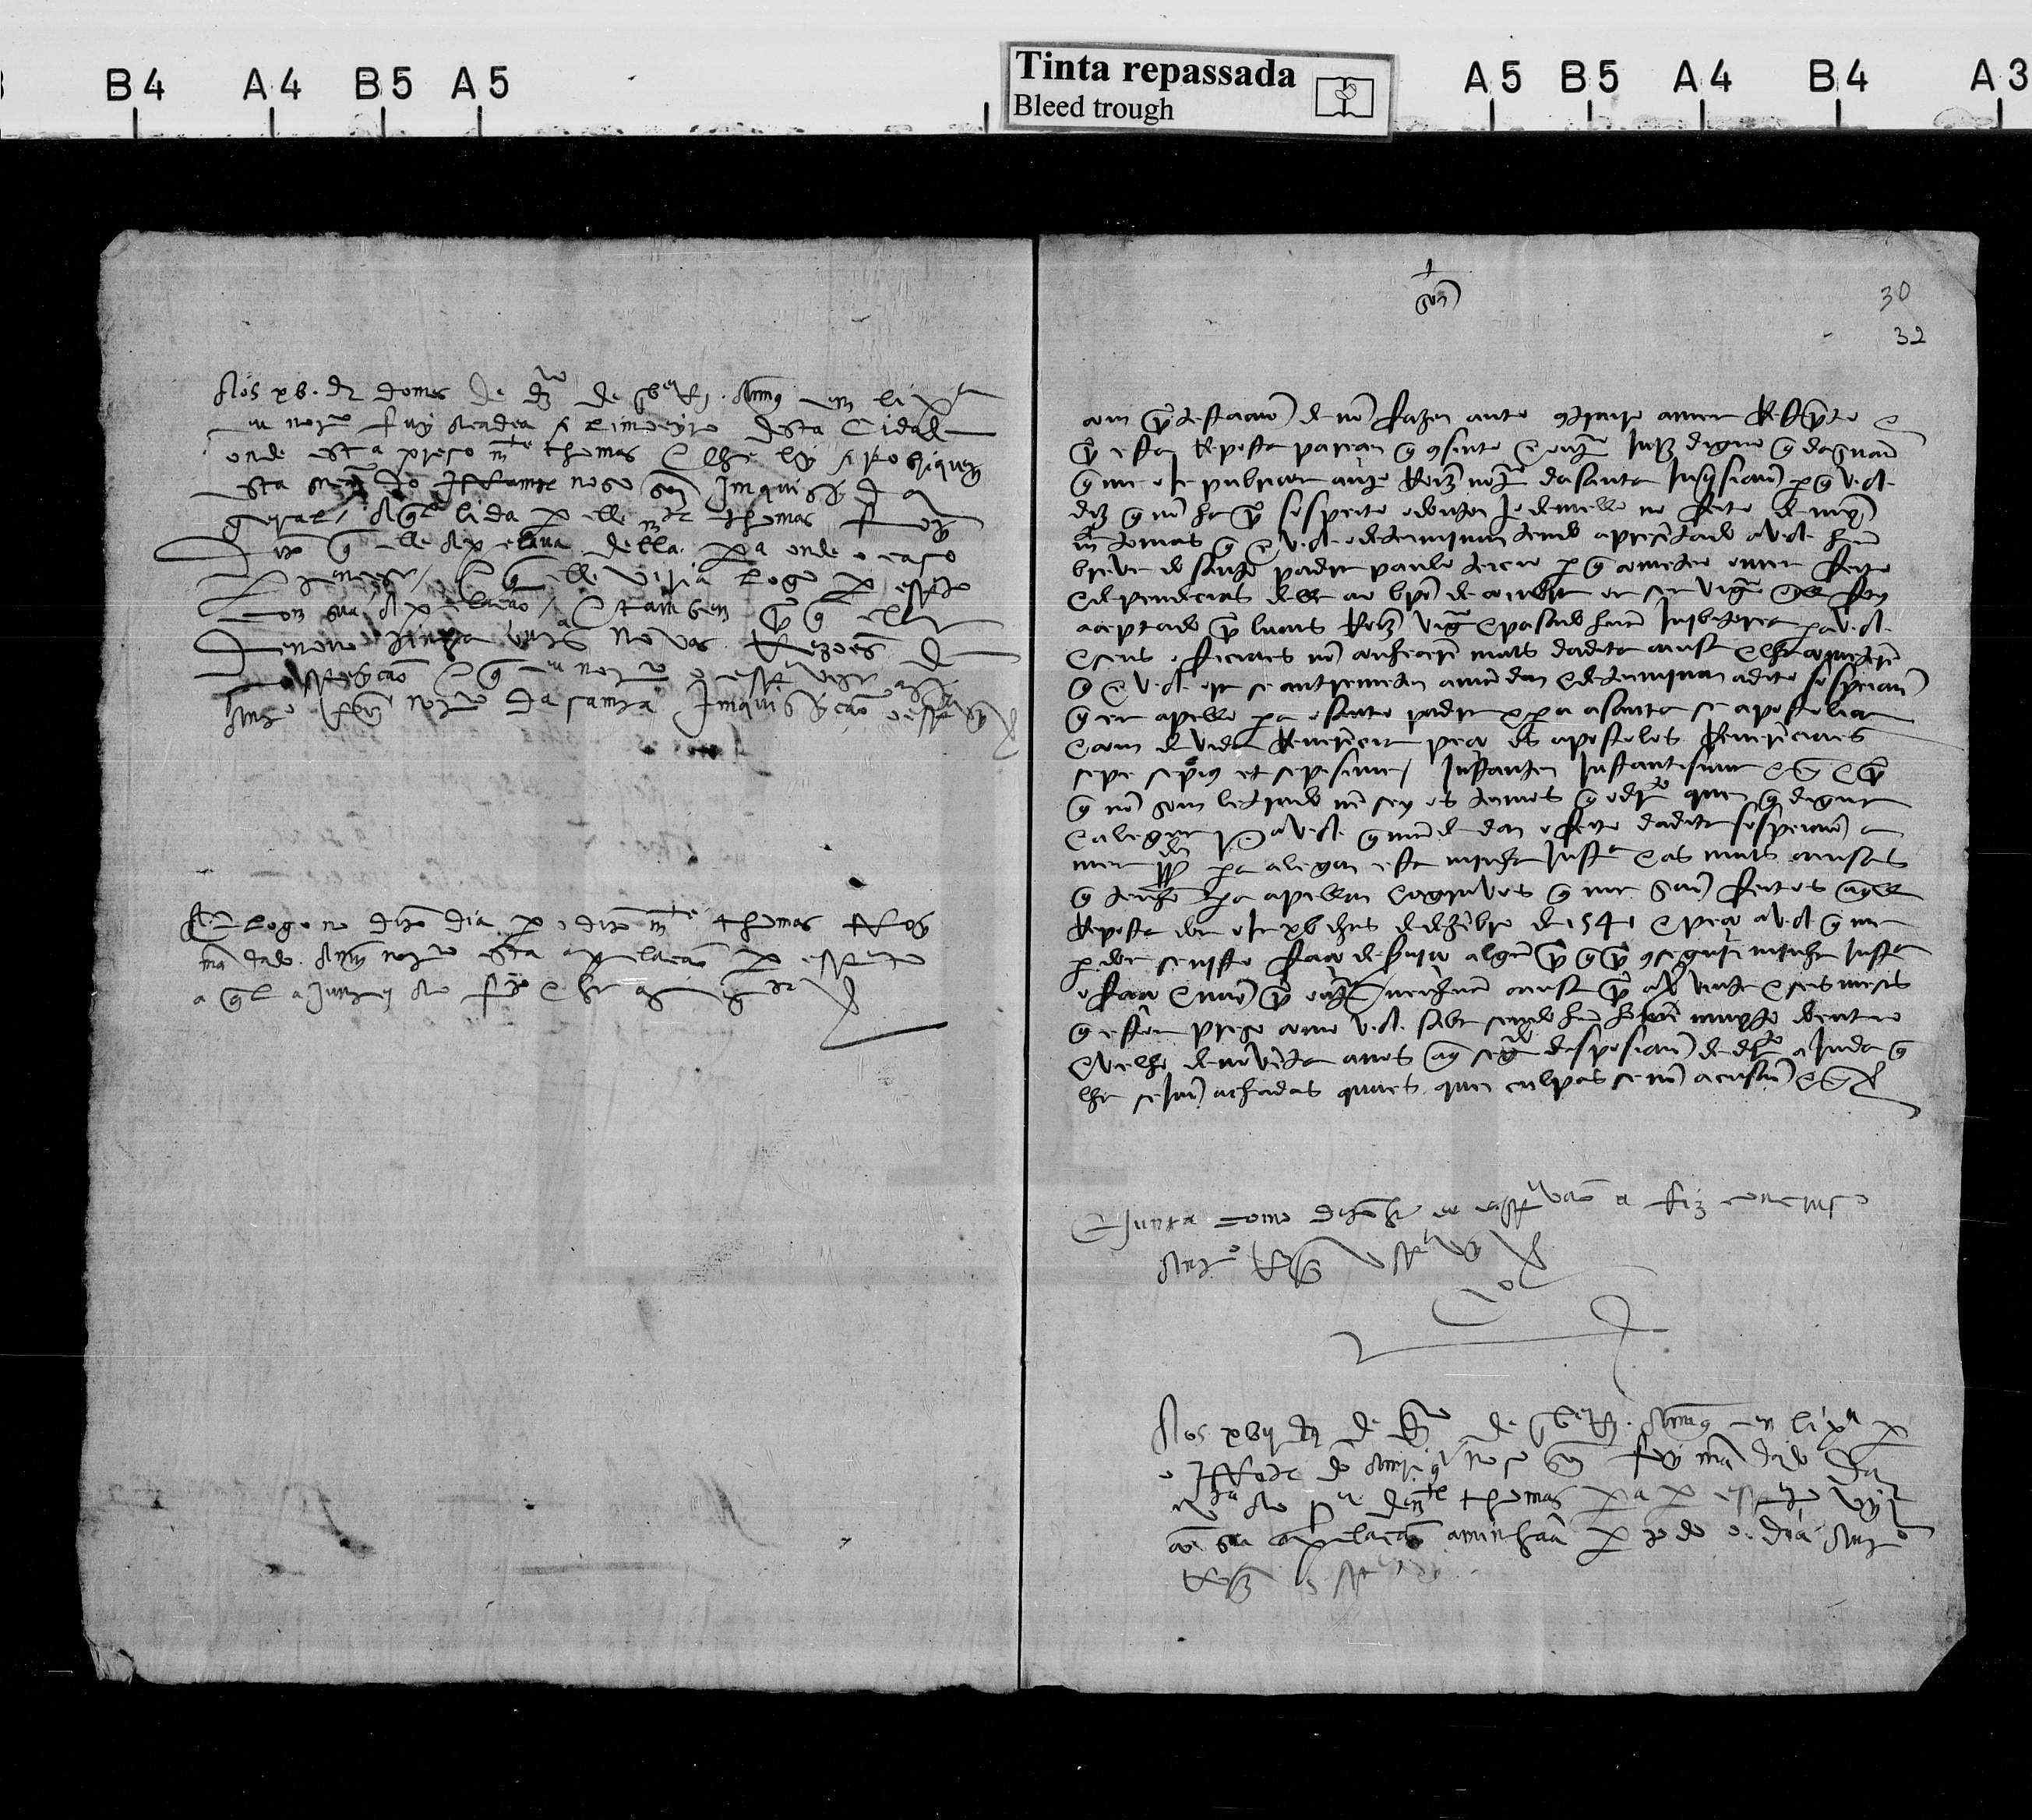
Aos xb. di do mes de dezro de j̄bc Rj. Annꝯ em lixa
eu notro fuy A cadea e limoeyro desta Cidade
onde esta preso mte thomas e lhe ly e pobriquey
esta snçā do Jffamte noso s̄or Jmquisydor
geral / A q̄l lida ꝑ elle mte thomas foy
dito q̄ elle Apelaua della ꝑa onde o caso
ꝑtencese / e q̄ elle viria logo ꝑ espito
com sua Apelação / e tambem p̄o q̄ elle
de nouo tinha outas novas Rezoẽs de
sospeyção e q̄ eu notro o espevese asy
Anto Roīz notro da samta Jmquisyção o espevy
E logo no dito dia ꝑ o dito mte thomas ffoy
mādado A mȳ notro esta apelação ꝑ espito
a q̄l aJuntej Ao fto e he a segte
sor̄
com p̄otestaçaõ de nō fazer auto ꝯtrairo a meu Restp̄to e
p̄o esta Reposta parecer q̄ ꝯsento ē outro Jujz diguo q̄ da snçā
q̄ me oJe pubricou anto Roiz̄ notro da santa Jnq̄siçaõ ꝑ q̄ V. A.
diz q̄ nō ha p̄o sospeito o doutor Jo de mello no feito de mȳ
mte tomas q̄ ē v. A. o detemjnou tendo apresētado a v. A. hū
breve do santo padre paulo tercro ꝑ q̄ cometeo o meu feito
e dependecias delle ao bpō de coinbra ou seu Vigro o q̄ll foy
aceptado p̄o lucas Roiz̄ Vigro e pasado huā Jnjbitorea ꝑa v. A.
e seus oficiaes nō conhecerē mais da dita causa e lhe cometerē
q̄ ē V. A. ora se antremeter a mādar e determjnar a dito sospeiçaõ
q̄ eu apello ꝑa o santo padre e ꝑa a santa se apostolica
e com devida Reuerēcia peço os apostolos Reuerēciaes
sepe sep̄iꝯ et sepisime / Jnstanter Jnstantisime e c̄ꝭ e p̄o
q̄ nō som letrado nē sey os termos q̄ o drto quer q̄ digua
e alegue P a v. A. q̄ māde dar o feito da dita sospeiçaõ a
meu ꝓꝓdor ꝑa alegar esta mjnha Justa e as mais causas
q̄ tenho ꝑa apellar e agravos q̄ me saõ feitos a q̄ll
Reposta dou oJe xb de dezēbro de i54i e peço a v. A. q̄ me
ꝑdoe se njsto faço deꞩujço algū p̄oq̄ p̄o ꝯsegujr mjnha Justa
o faço e não p̄o outra nenhuā causa p̄o aꝟ vinte e seis meses
q̄ estou preso como v. A. sabe sendo hū homē muyto doentio
e velho de novēta anos a q̄ segdo disposiçaõm de drto aJnda q̄
lhe seJaõ achadas quaesquer culpas se nō acusaõ e c̄ꝭ
E Junta como dito he eu espivaõ a fiz concruso
Anto Rojz̄ o spivy
Co
Aos xbij dj de dzro de j̄bcRj Annꝯ em lixa ꝑ
o Jffāte dō Amriq̄ noso s̄or foy mādado dar
a vta Ao ꝓor de mte thomas ꝑa ꝑ espito vyr
c̄o sua apelaçaõ amenhaā ꝑ todo o dia Anto
Rojz̄ o spivy /
